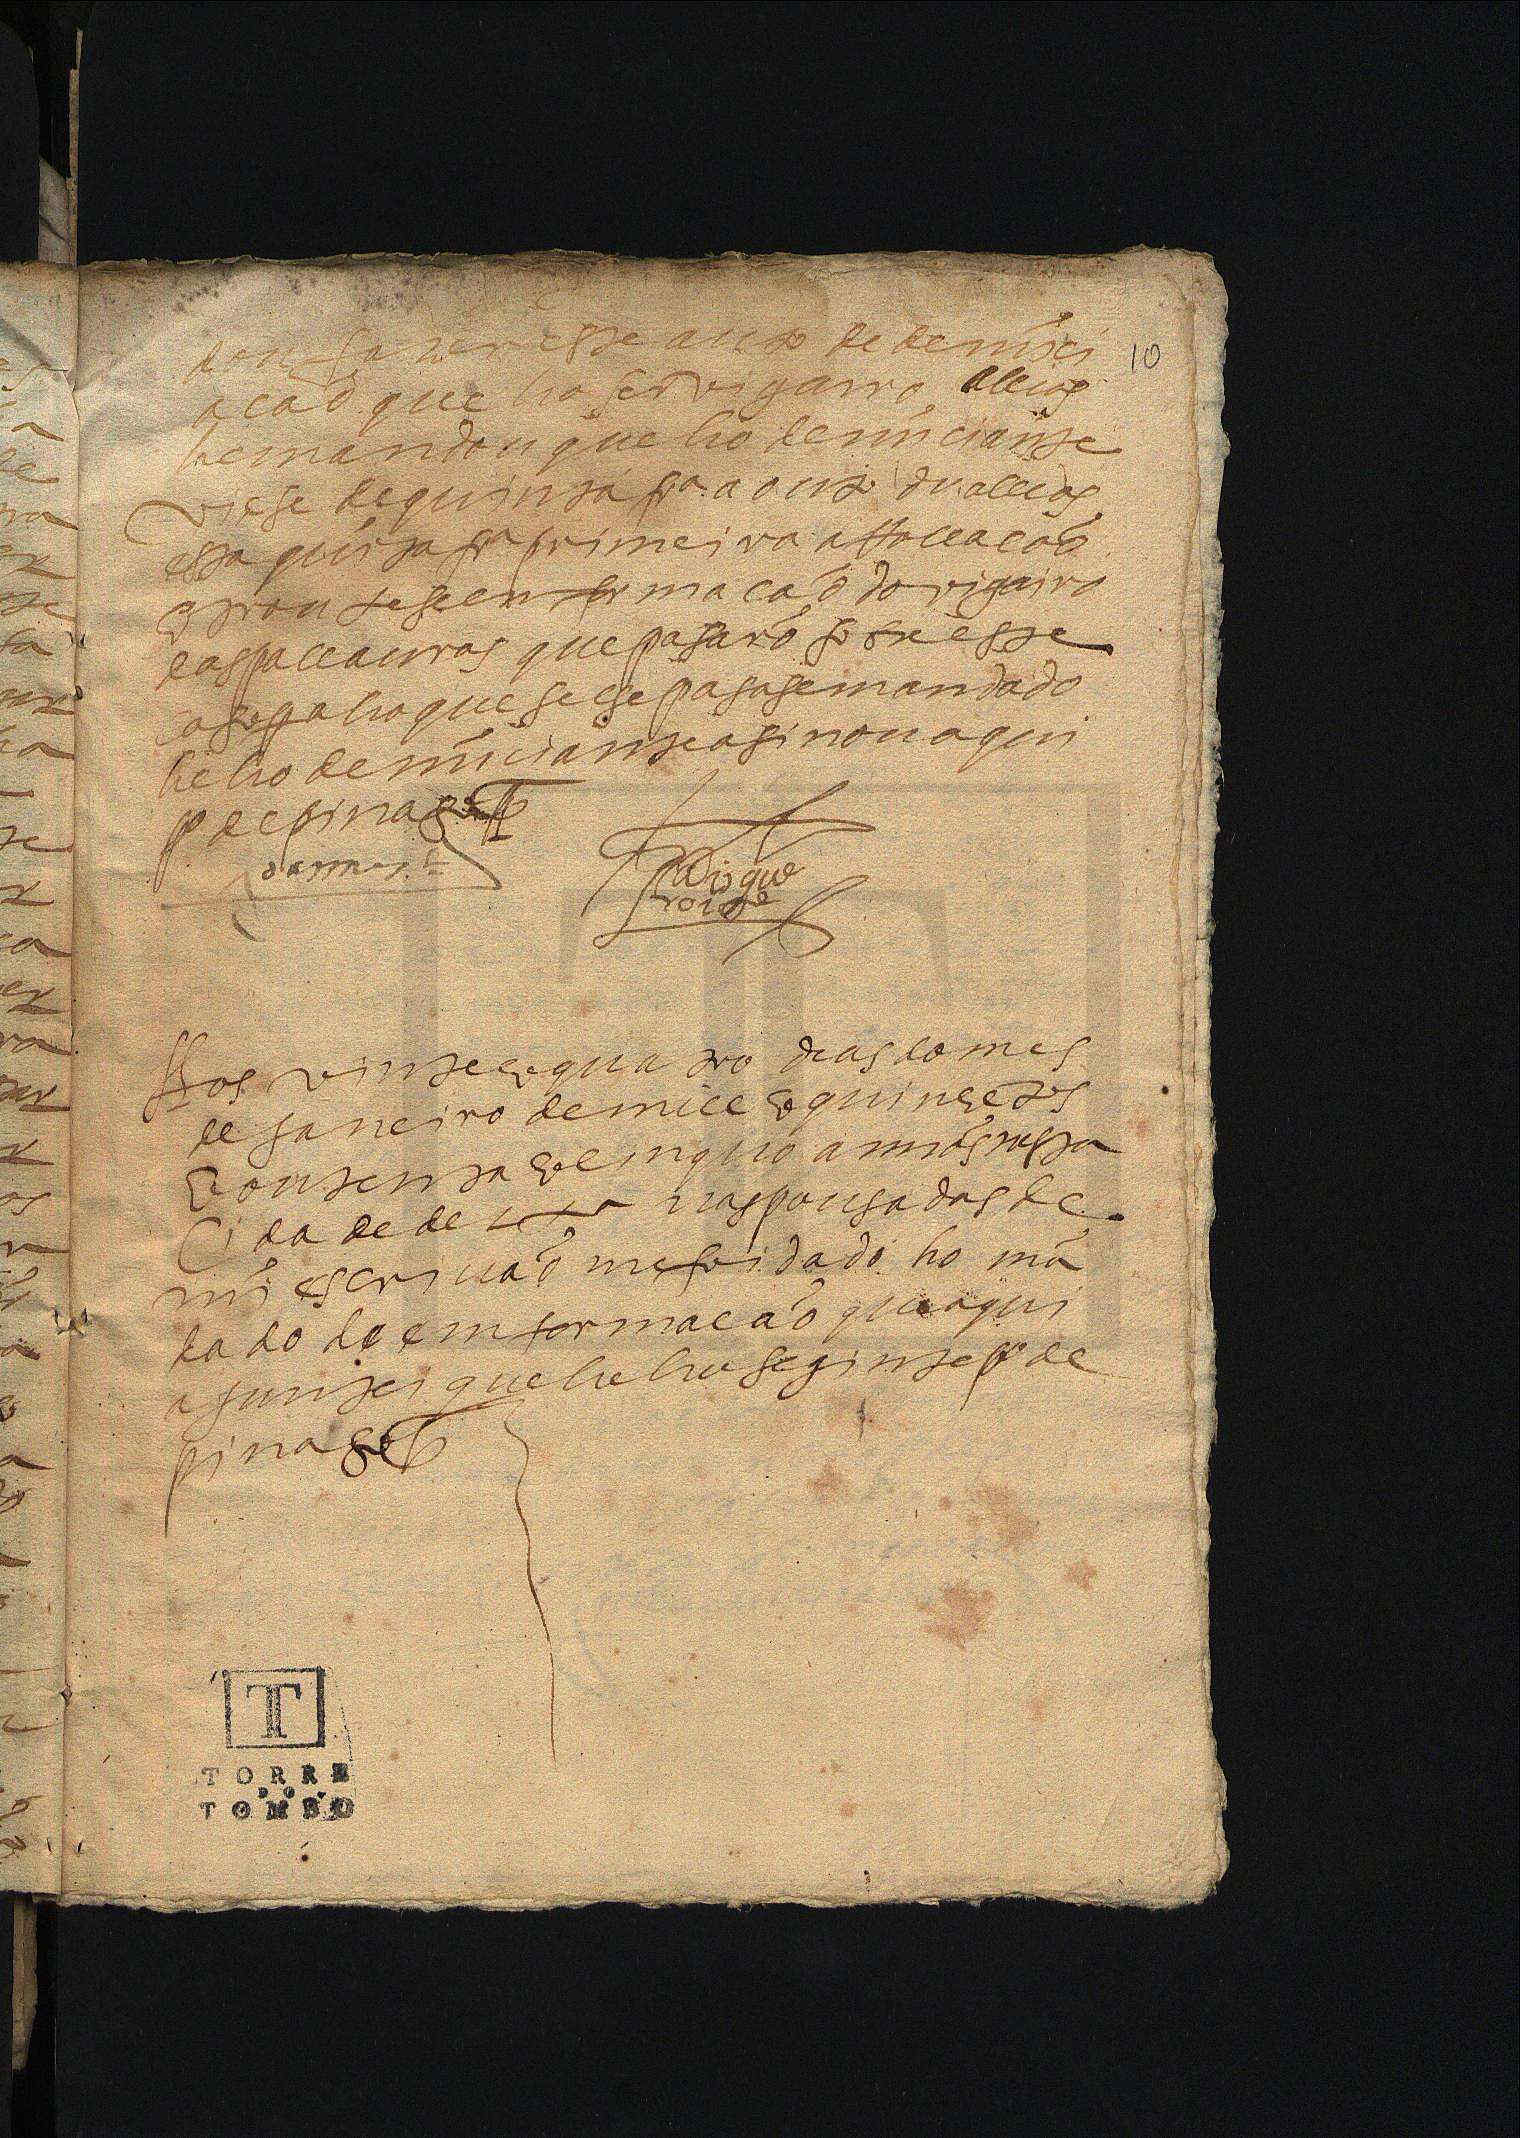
dou fazer este auto de denūci
acaõ que ho sor̄ vigairo allias
he mandou que ho denūciante
viese de quinta fra. a outo di allias
esta quīta fra primeira a Rollacaõ
& trouxese enformacaõ do vigairo
das pallauras que pasarō sobre este
caso ꝑa ho que se lhe pasase mandado
he ho denūciante asinou aqui
po de pina ho sp̄
Aos vinte & quatro dias do mes
de Janeiro de mill & quinhētos
& outenta & cinquo annos̄ nesta
Cidade de Lxa nas pousadas de
mī escriuaõ me foi dado ho mā
dado de emformacaõ que aqui
aJuntei que he ho seginte po de
pina ho sp̄
